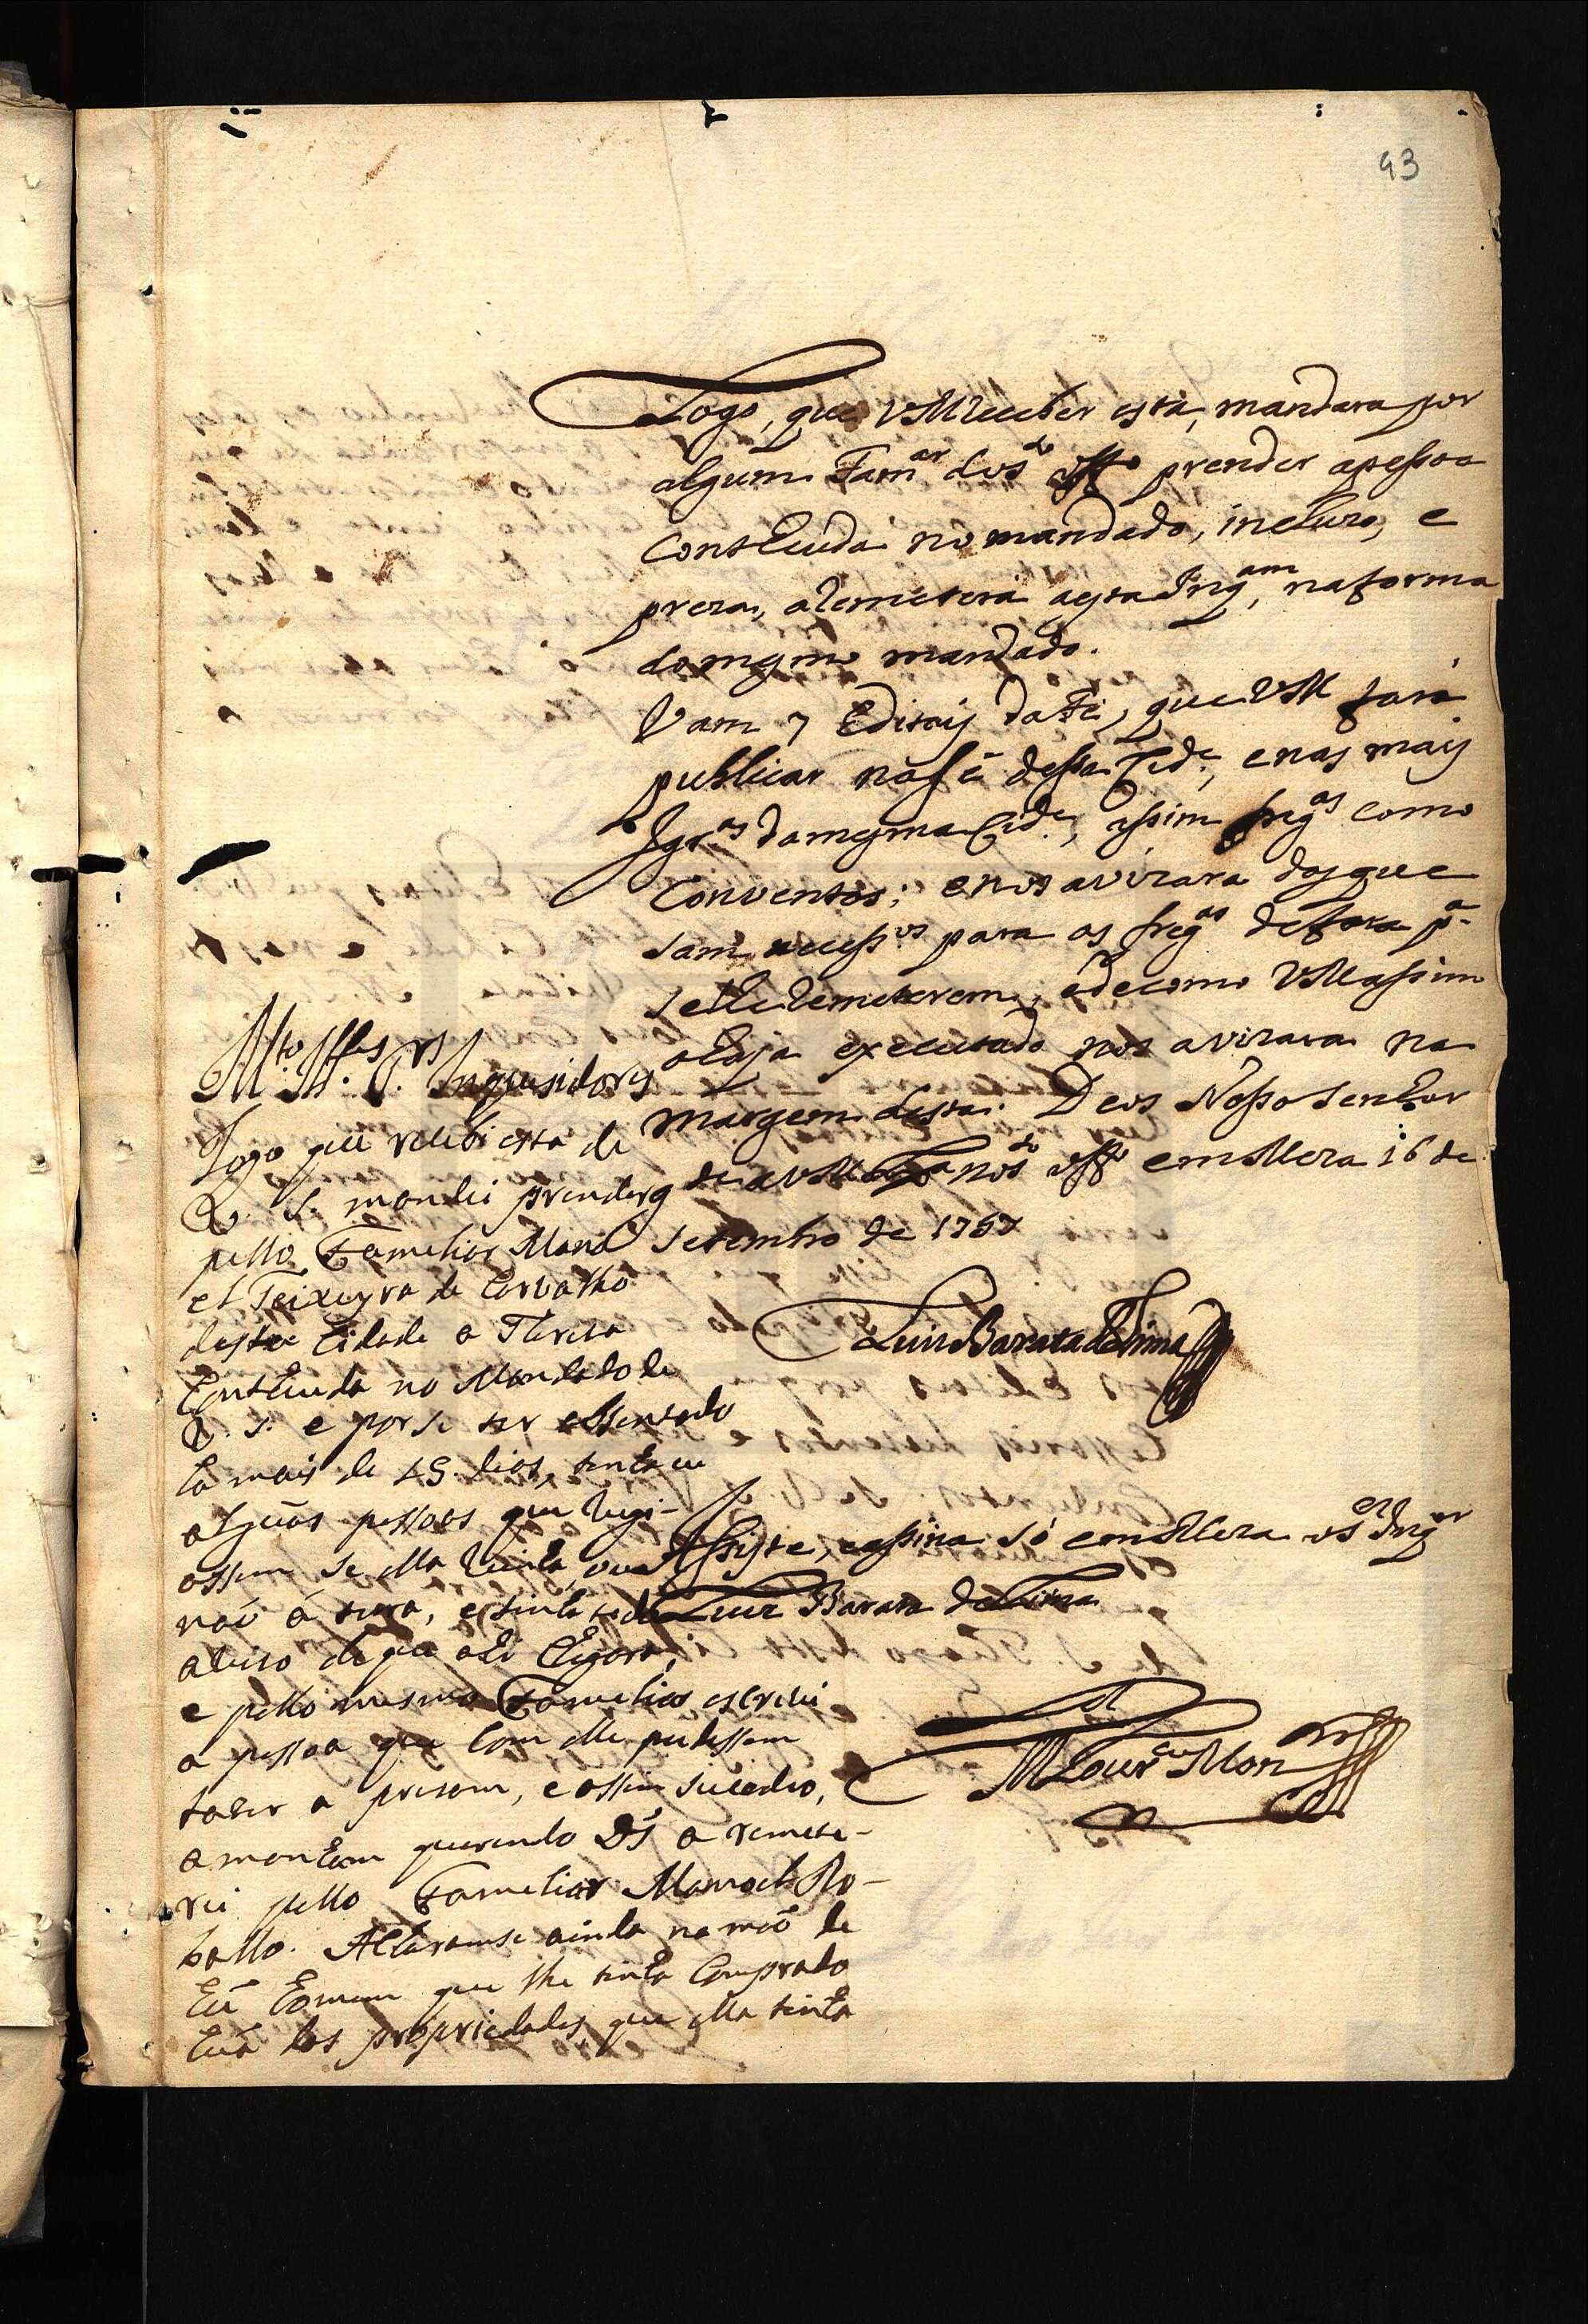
Logo, que V M Receber esta, mandara por
algum Famar do sto offo prender a pessoa
contheuda no mandado, incluzo, e
preza, a Remetera a esta Inqam, na forma
do mesmo mandado.
Vam 7 Editais da Fé, que V M fará
publicar na sé dessa Cid.e, e nas mais
Igr.as da mesma Cid.e, assim fregas como
conventos; e nos avizara dos que
sam necess.os para as fregas de fora p.a
se lhe Remeterem; e de como V M assim
a haja executado nos avizara na
M.to Ill.es S.rs Inquesidores
margem desta. Deos Nosso Senhor
gde a V M Lxa no sto offo em Meza 16 de
Logo que recebi esta de
v. s. mandei prender
setembro de 1757
pello Familiar Mano
el Teixeyra de Carvalho
desta Cidade a Thereza
Contheuda no Mandado de
v. s. e por se ter absentado
ha mais de 15. dias, tenho eu
alguãs pessoas que vigi
assem se ella vinha, ou
Assiste, e assina só em Meza o sor Inqor
naõ á tera, e tinha todo
avizo de que ahi Chegara,
e pello mesmo Familiar escreui
a pessoa que Com elle pudessem
fazer a prizam, e assim sucedeo,
amanham querendo Ds̄ a remete
rei pello Familiar Manoel Ro
ballo. ACharamse ainda na maõ de
hū homem que lhe tinha Comprado
huā das propriedades que ella tinha
